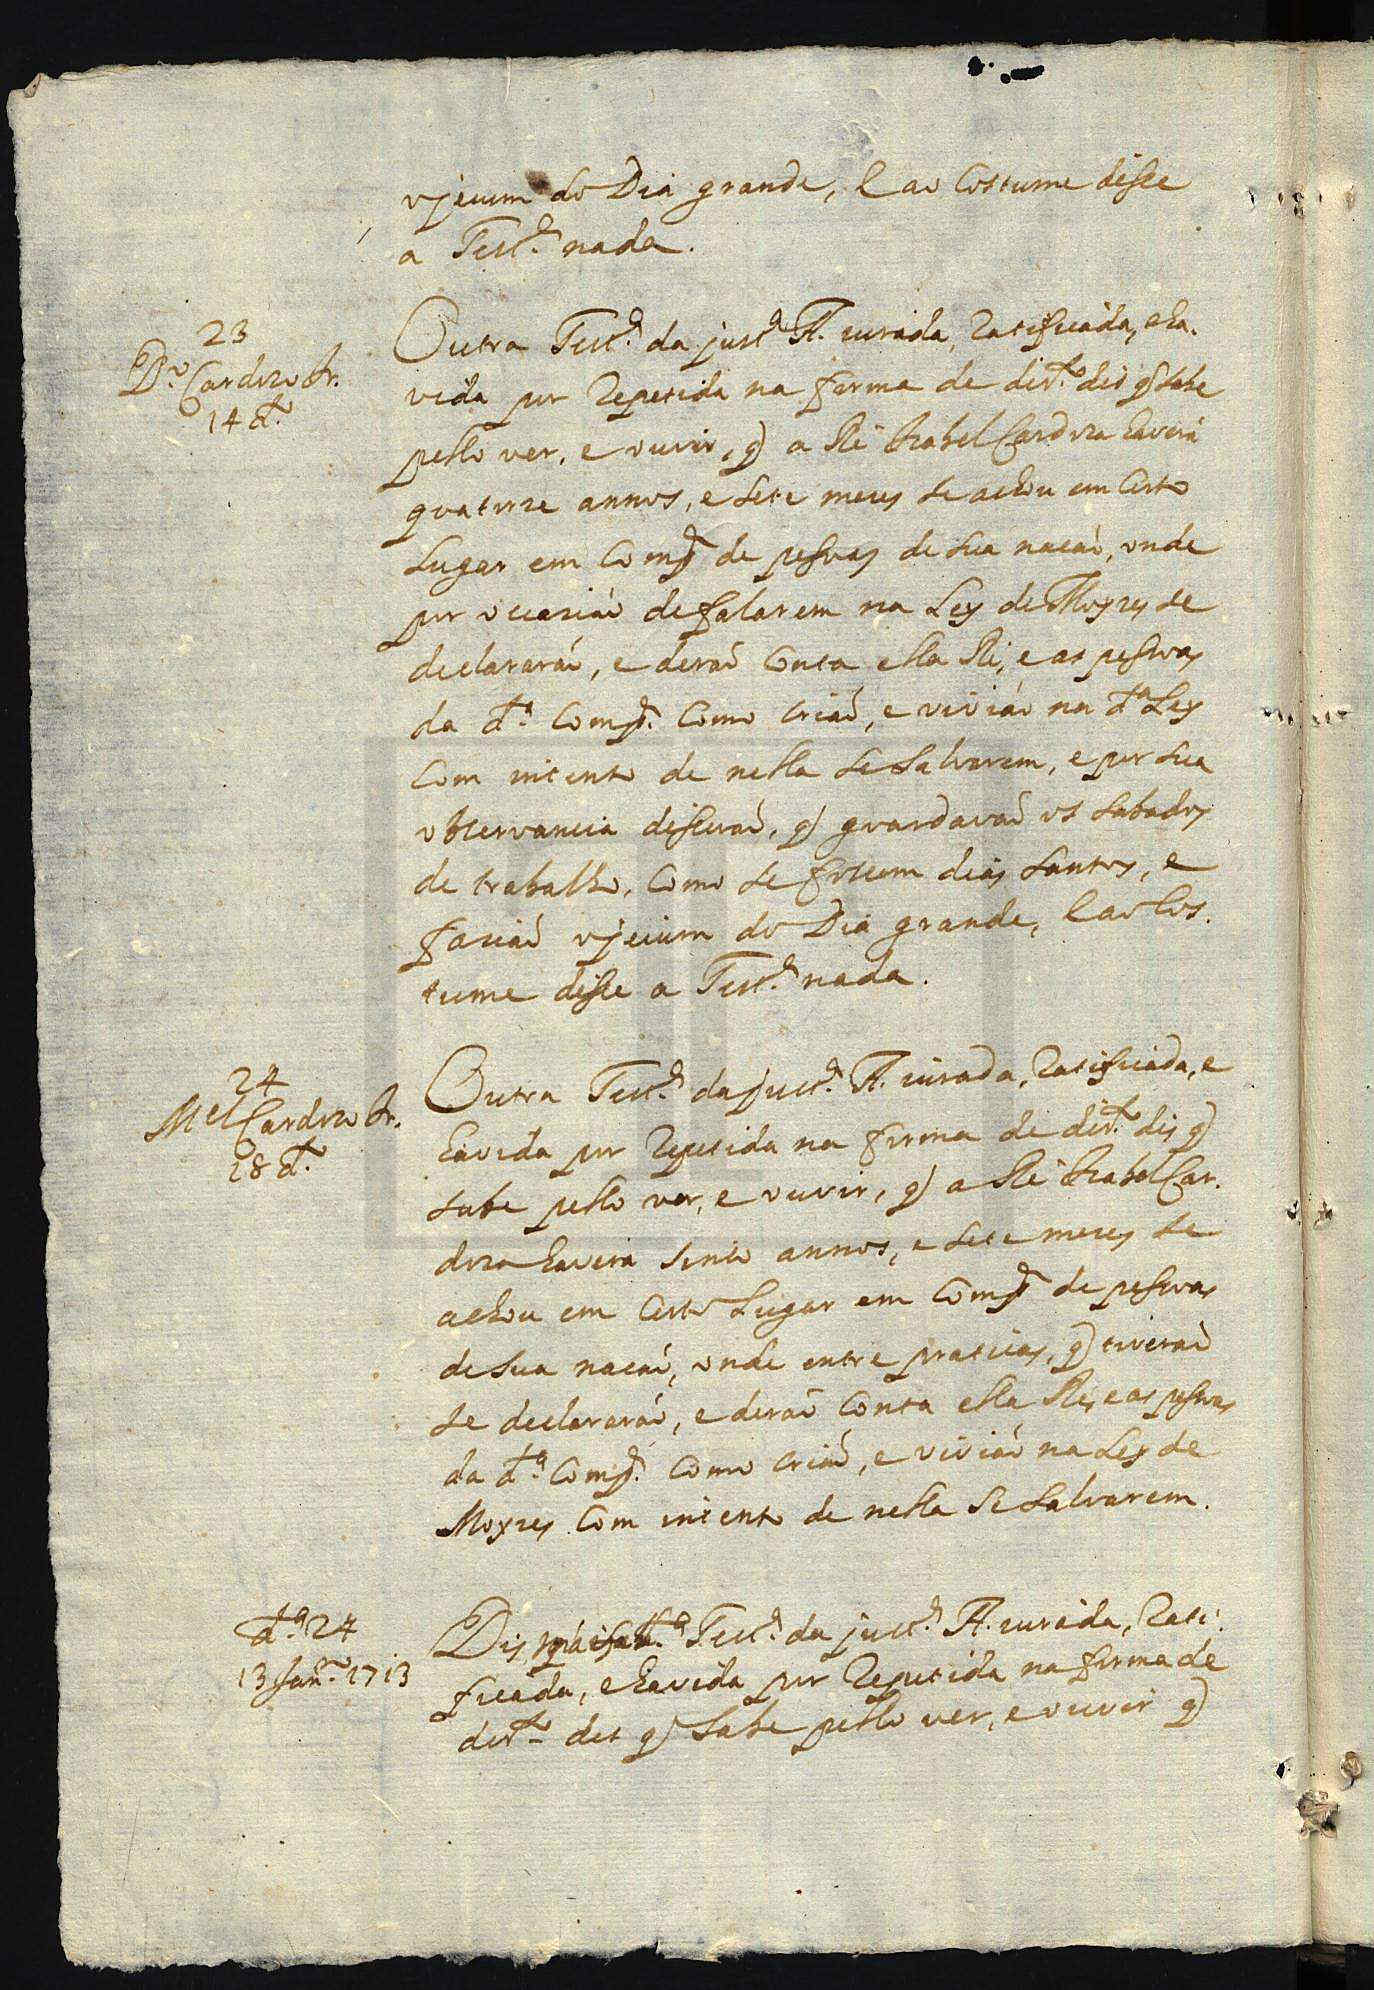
o jeium do Dia grande, E ao Costume disse
a Test.a nada.
23
D.o Cardozo Ir.
14 d̄.o
Outra Test.a da justa A. iurada, Ratificada, e ha
vida per Repetida na forma de dir.to dis q̄ sabe
pello uer, e ouvir, q̄ a Ré Izabel Cardoza haverá
quatorze annos, e sete mezes se achou em Certo
Lugar em Compa de peSsoas de sua naçaõ, onde
por occaziaõ de falarem na Ley de Moyzes se
declararaõ, e deraõ conta ella Ré, e as pessoas
da d̄.a Comp.a Como criaõ, e viviaõ na d̄a Ley
Com intento de nella se Salvarem, e por sua
observancia disseraõ, q̄ guardavaõ os sabados
de trabalho, Como se fossem dias santos, e
faziaõ o jeium do Dia grande, E ao Cos.
tume disse a Test.a nada.
24
Mel Cardozo Ir.
28 d̄.o
Outra Test.a da Just.a A. iurada, Ratificada, e
havida por Repetida na forma de dir.to dis q̄
sabe pello ver, e ouvir, q̄ a Re Izabel Car
doza haverá sinco annos, e sete mezes se
achou em certo Lugar em Compa de pessoas
de sua naçaõ, onde entre praticas, q̄ tiveraõ
se declararaõ, e deraõ Conta ella Re e as pessoas
da d̄.a comp.a como criaõ, e viviaõ na Ley de
Moyzes Com intento de nella se salvarem.
d̄.a 24
13 Jan.ro 17i3
Dis
Test.a da just.a A. iurada, Rati
ficada, e havida per Repetida na forma de
dir.to dis q̄ sabe pello uer, e ouvir q̄
